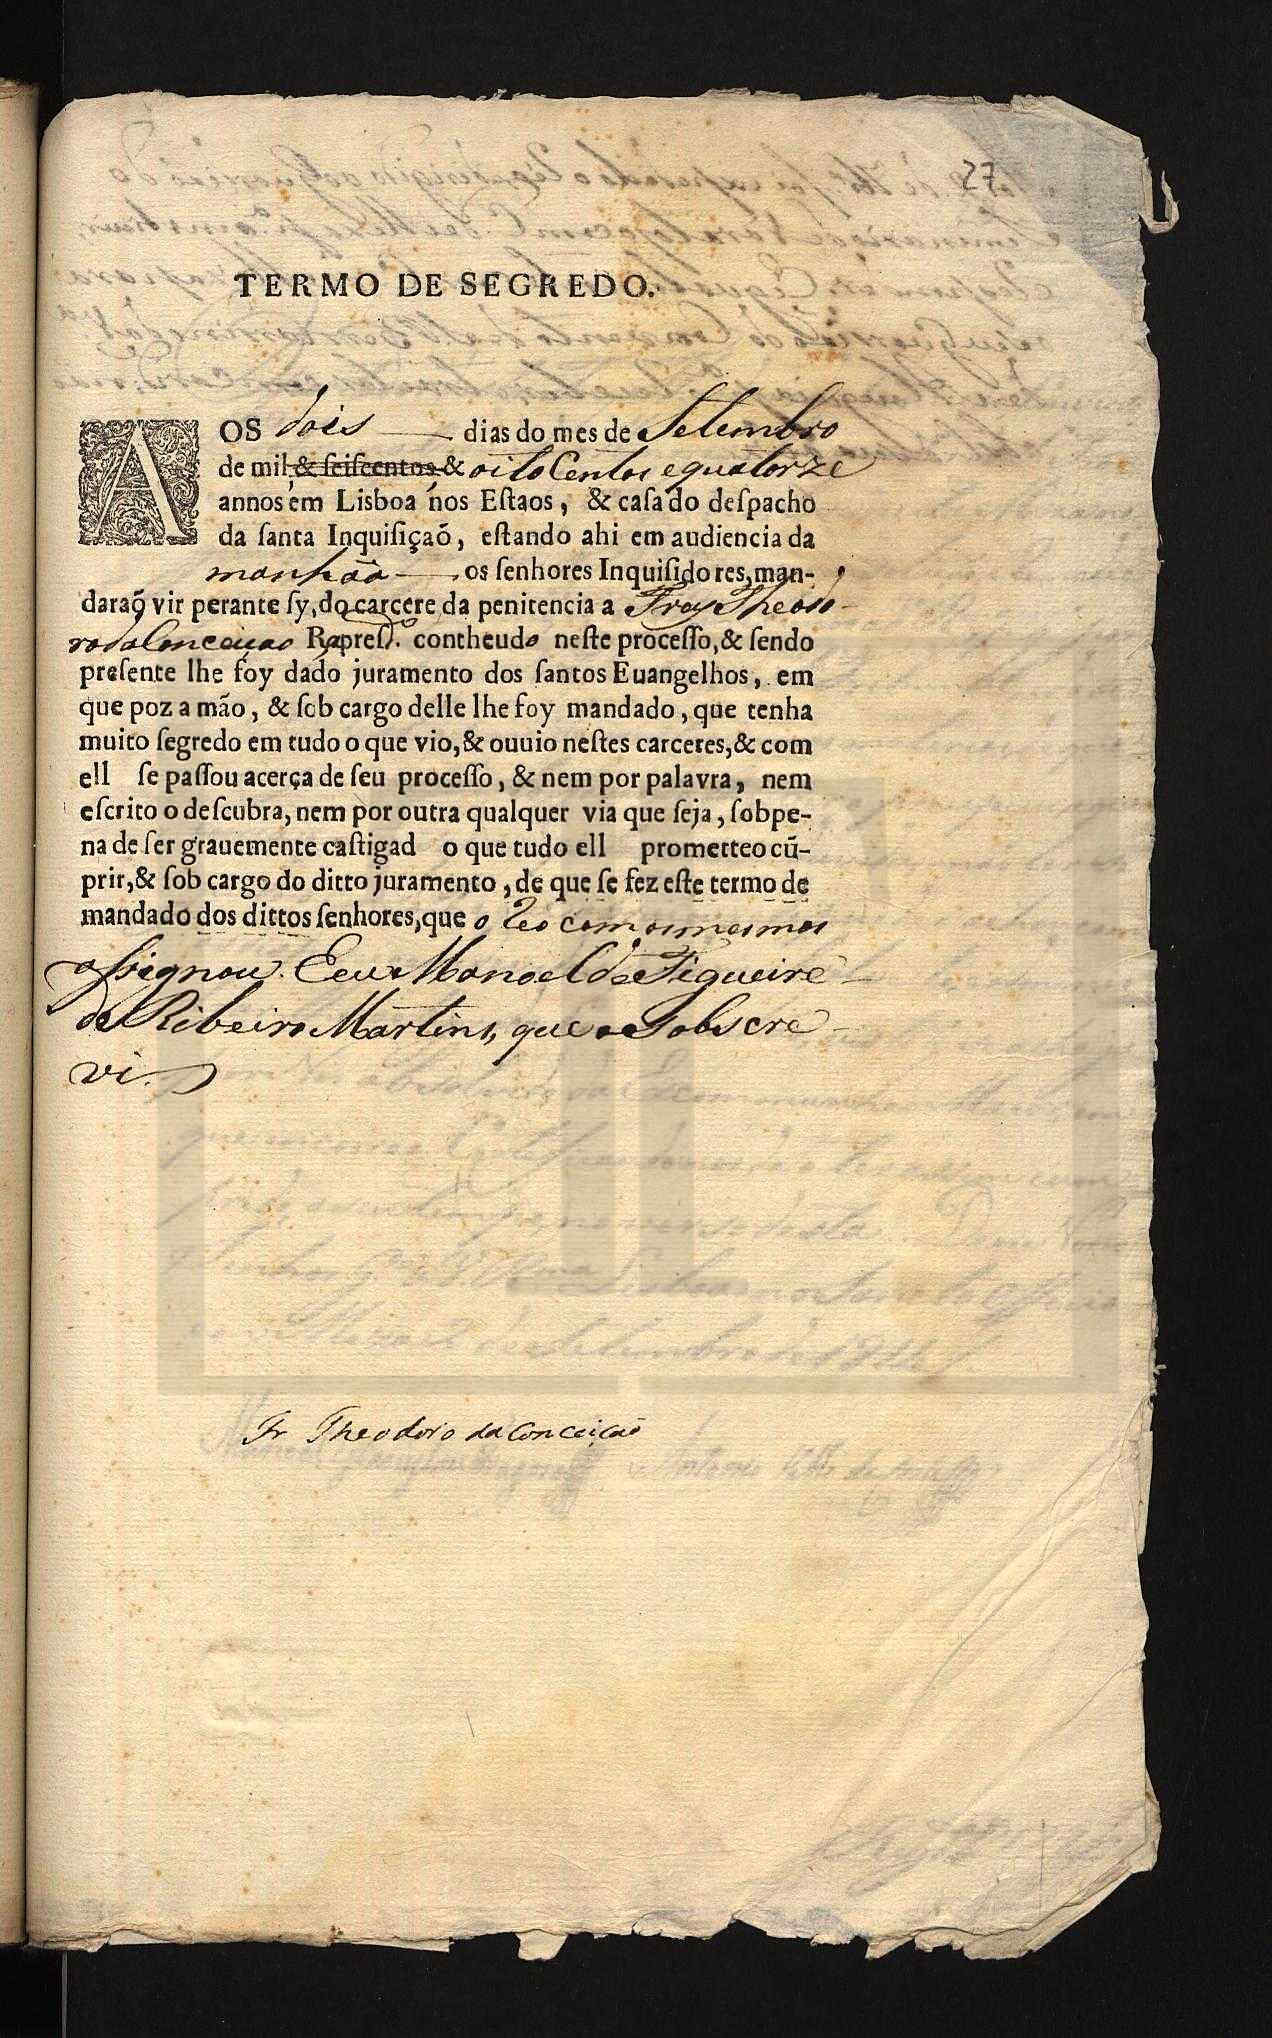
TERMO DE SEGREDO.
OS dois dias do mes de Setembro
de mil, & seiscentos, & oitoCentos e quatorze
annos em Lisboa nos Estaos, & casa do despacho
da santa Inquisiçaõ, estando ahi em audiencia da
manhãa - os senhores Inquisidores, man
daraõ vir perante sy, do carcere da penitencia a Frey Theodo
ro da Conceiçaõ R, apresd.o contheudo neste processo, & sendo
presente lhe foy dado juramento dos santos Euangelhos, em
que poz a mão, & sob cargo delle lhe foy mandado, que tenha
muito segredo em tudo o que vio, & ouuio nestes carceres, & com
ell se passou acerca de seu processo, & nem por palavra, nem
escrito o descubra, nem por outra qualquer via que seja, sob pe
na de ser grauemente castigad o que tudo ell prometteo cū
prir, & sob cargo do ditto juramento, de que se fez este termo de
mandado dos dittos senhores, que o Reo com os mesmos
assignou. E eu Manoel de Figueire
do Ribeiro Martins, que o Sobscre
vi.
Fr Theodoro da Conceiçaõ
